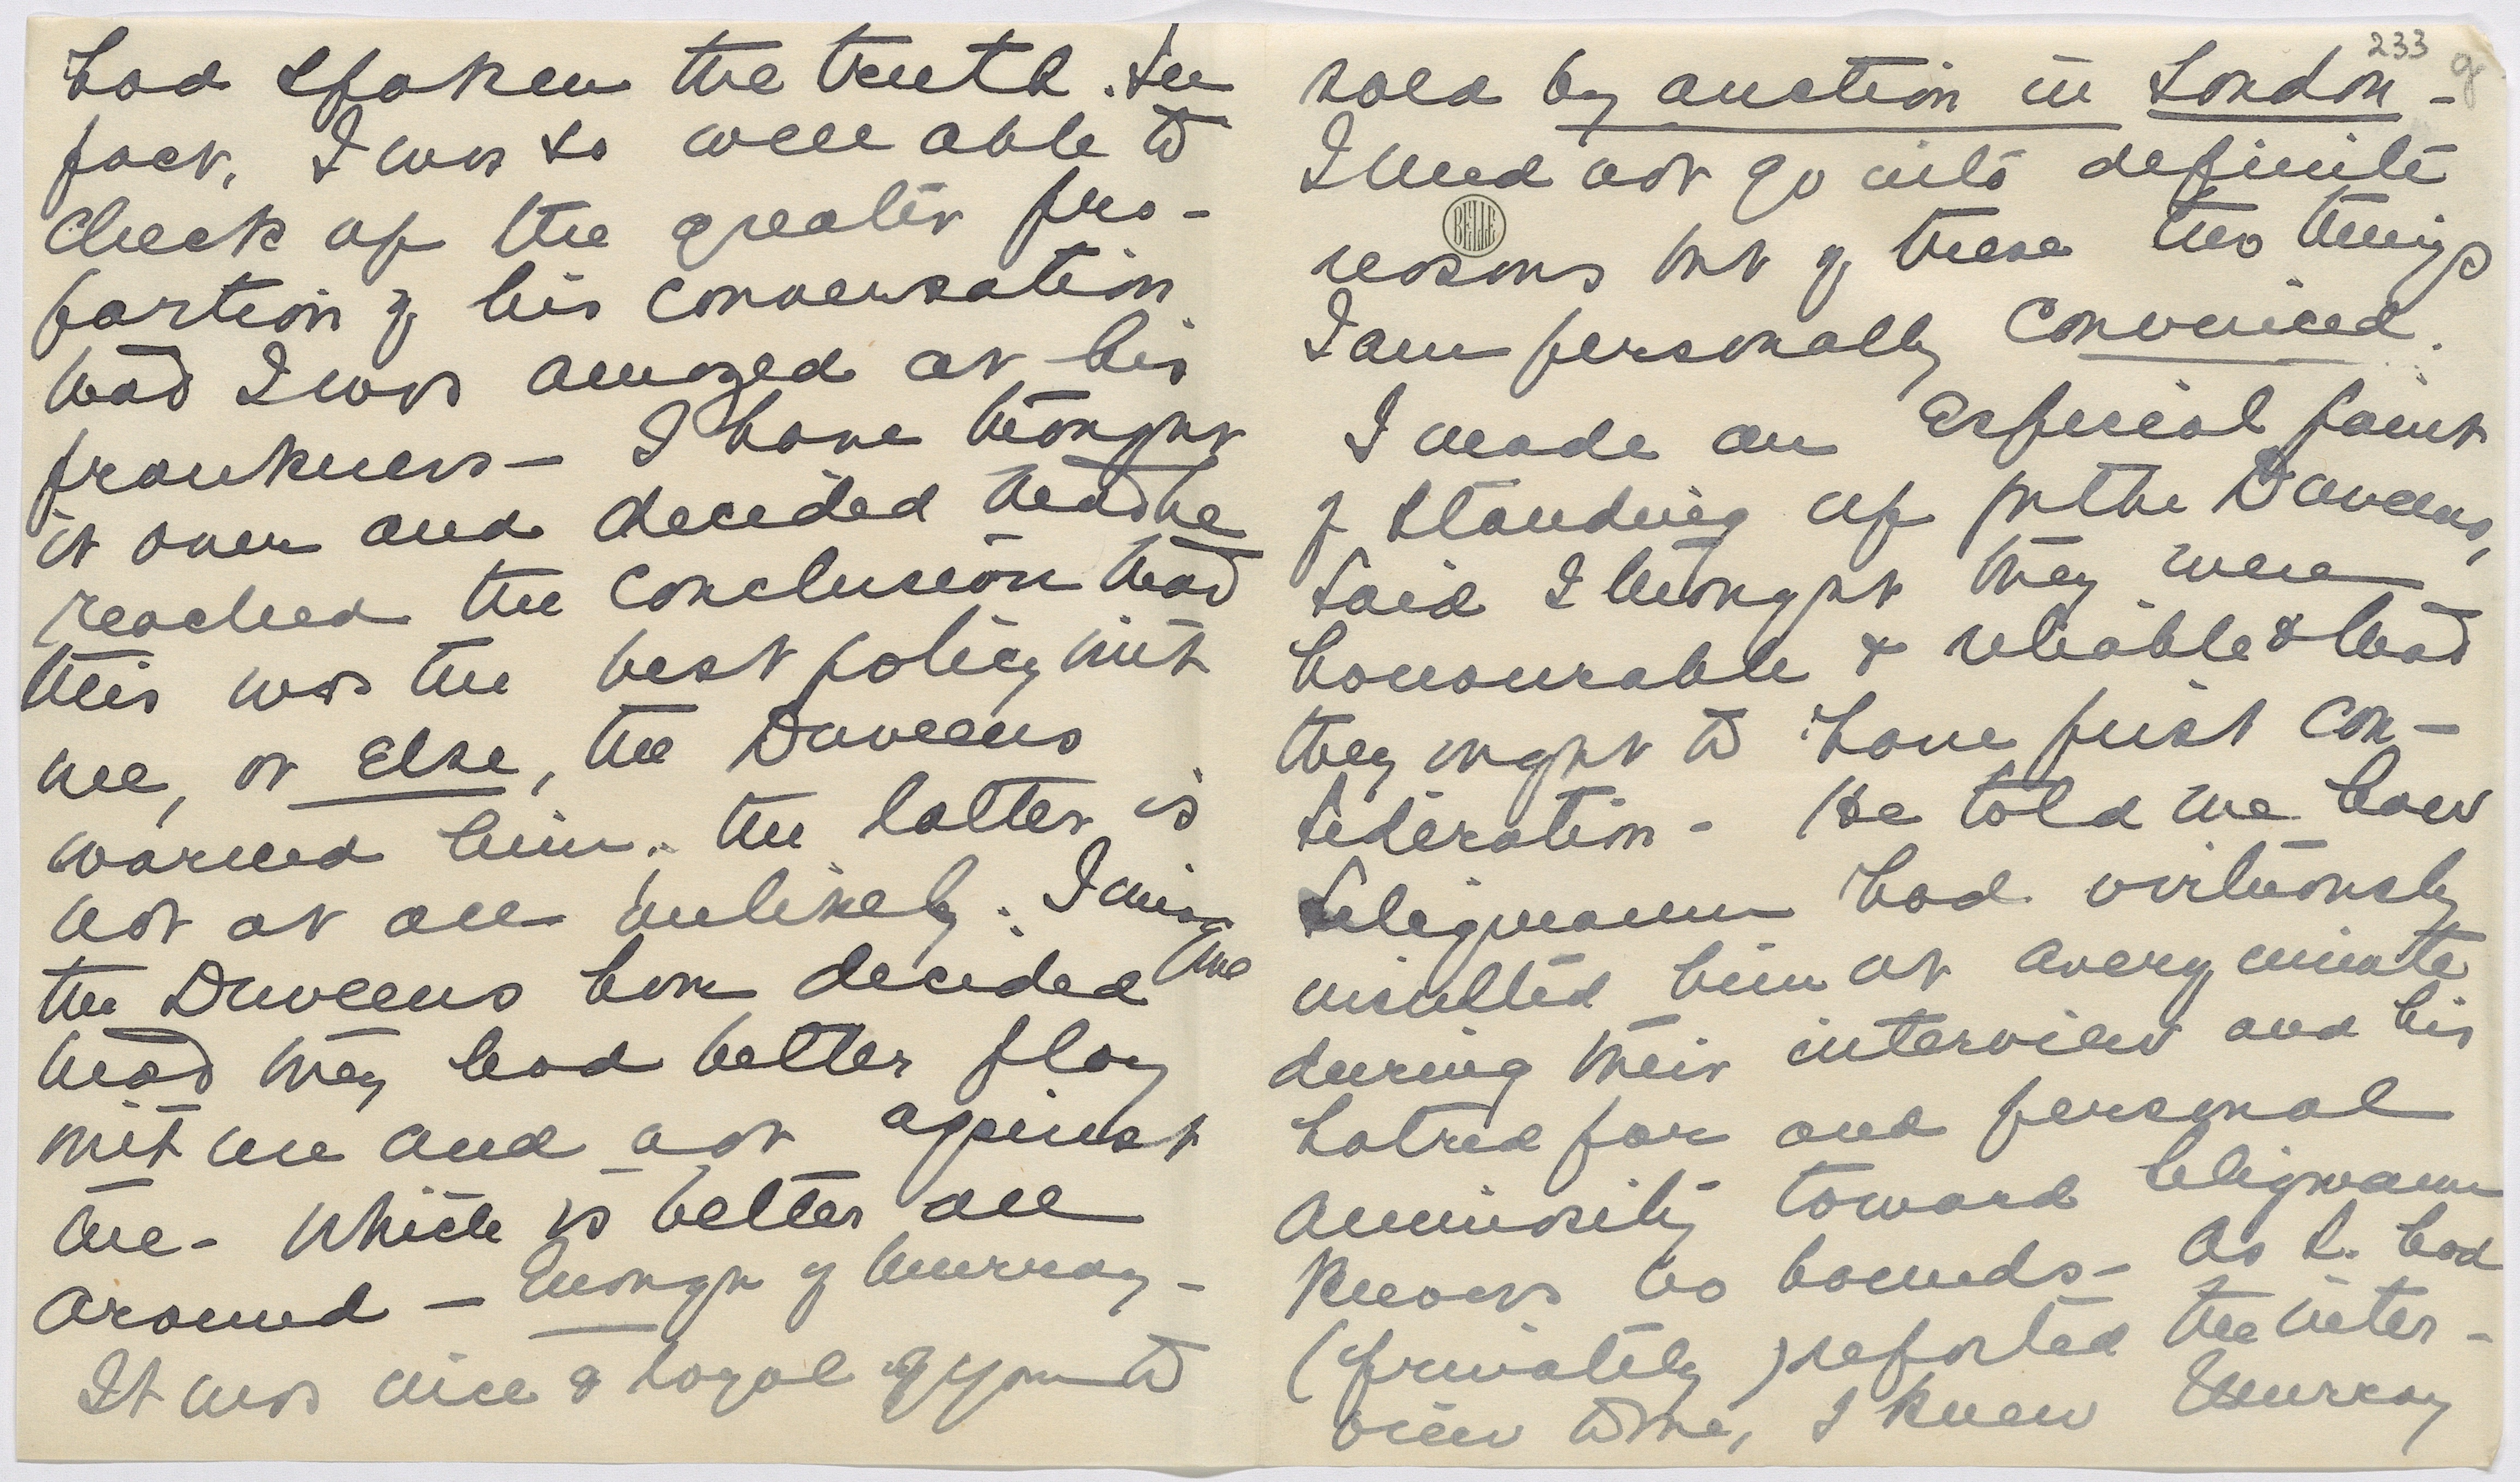sold by auction in London – I need not go into definite reasons but of these two things I am personally convinced. I made an especial point of standing up for the Duveens, said I thought they were honourable & reliable & that they ought to have just consideration – He told me how Seligmann had virtuously insulted him at every minute during their interview and his hatred for and personal animosity toward Seligmann knows no bounds – as S. had (privately) reported the interview to me, I knew Murray
had spoken the truth. In fact, I was so well able to check up the greater proportion of his conversation that I was amazed at his frankness – I have thought it over and decided that he reached the conclusion that this was the best policy with me, or else, the Duveens worried him. The latter is not at all unlikely. I imagine the Duveens have decided that they had better play with me and not against me – which is better all around – enough of Murray –
It was nice & loyal of you to